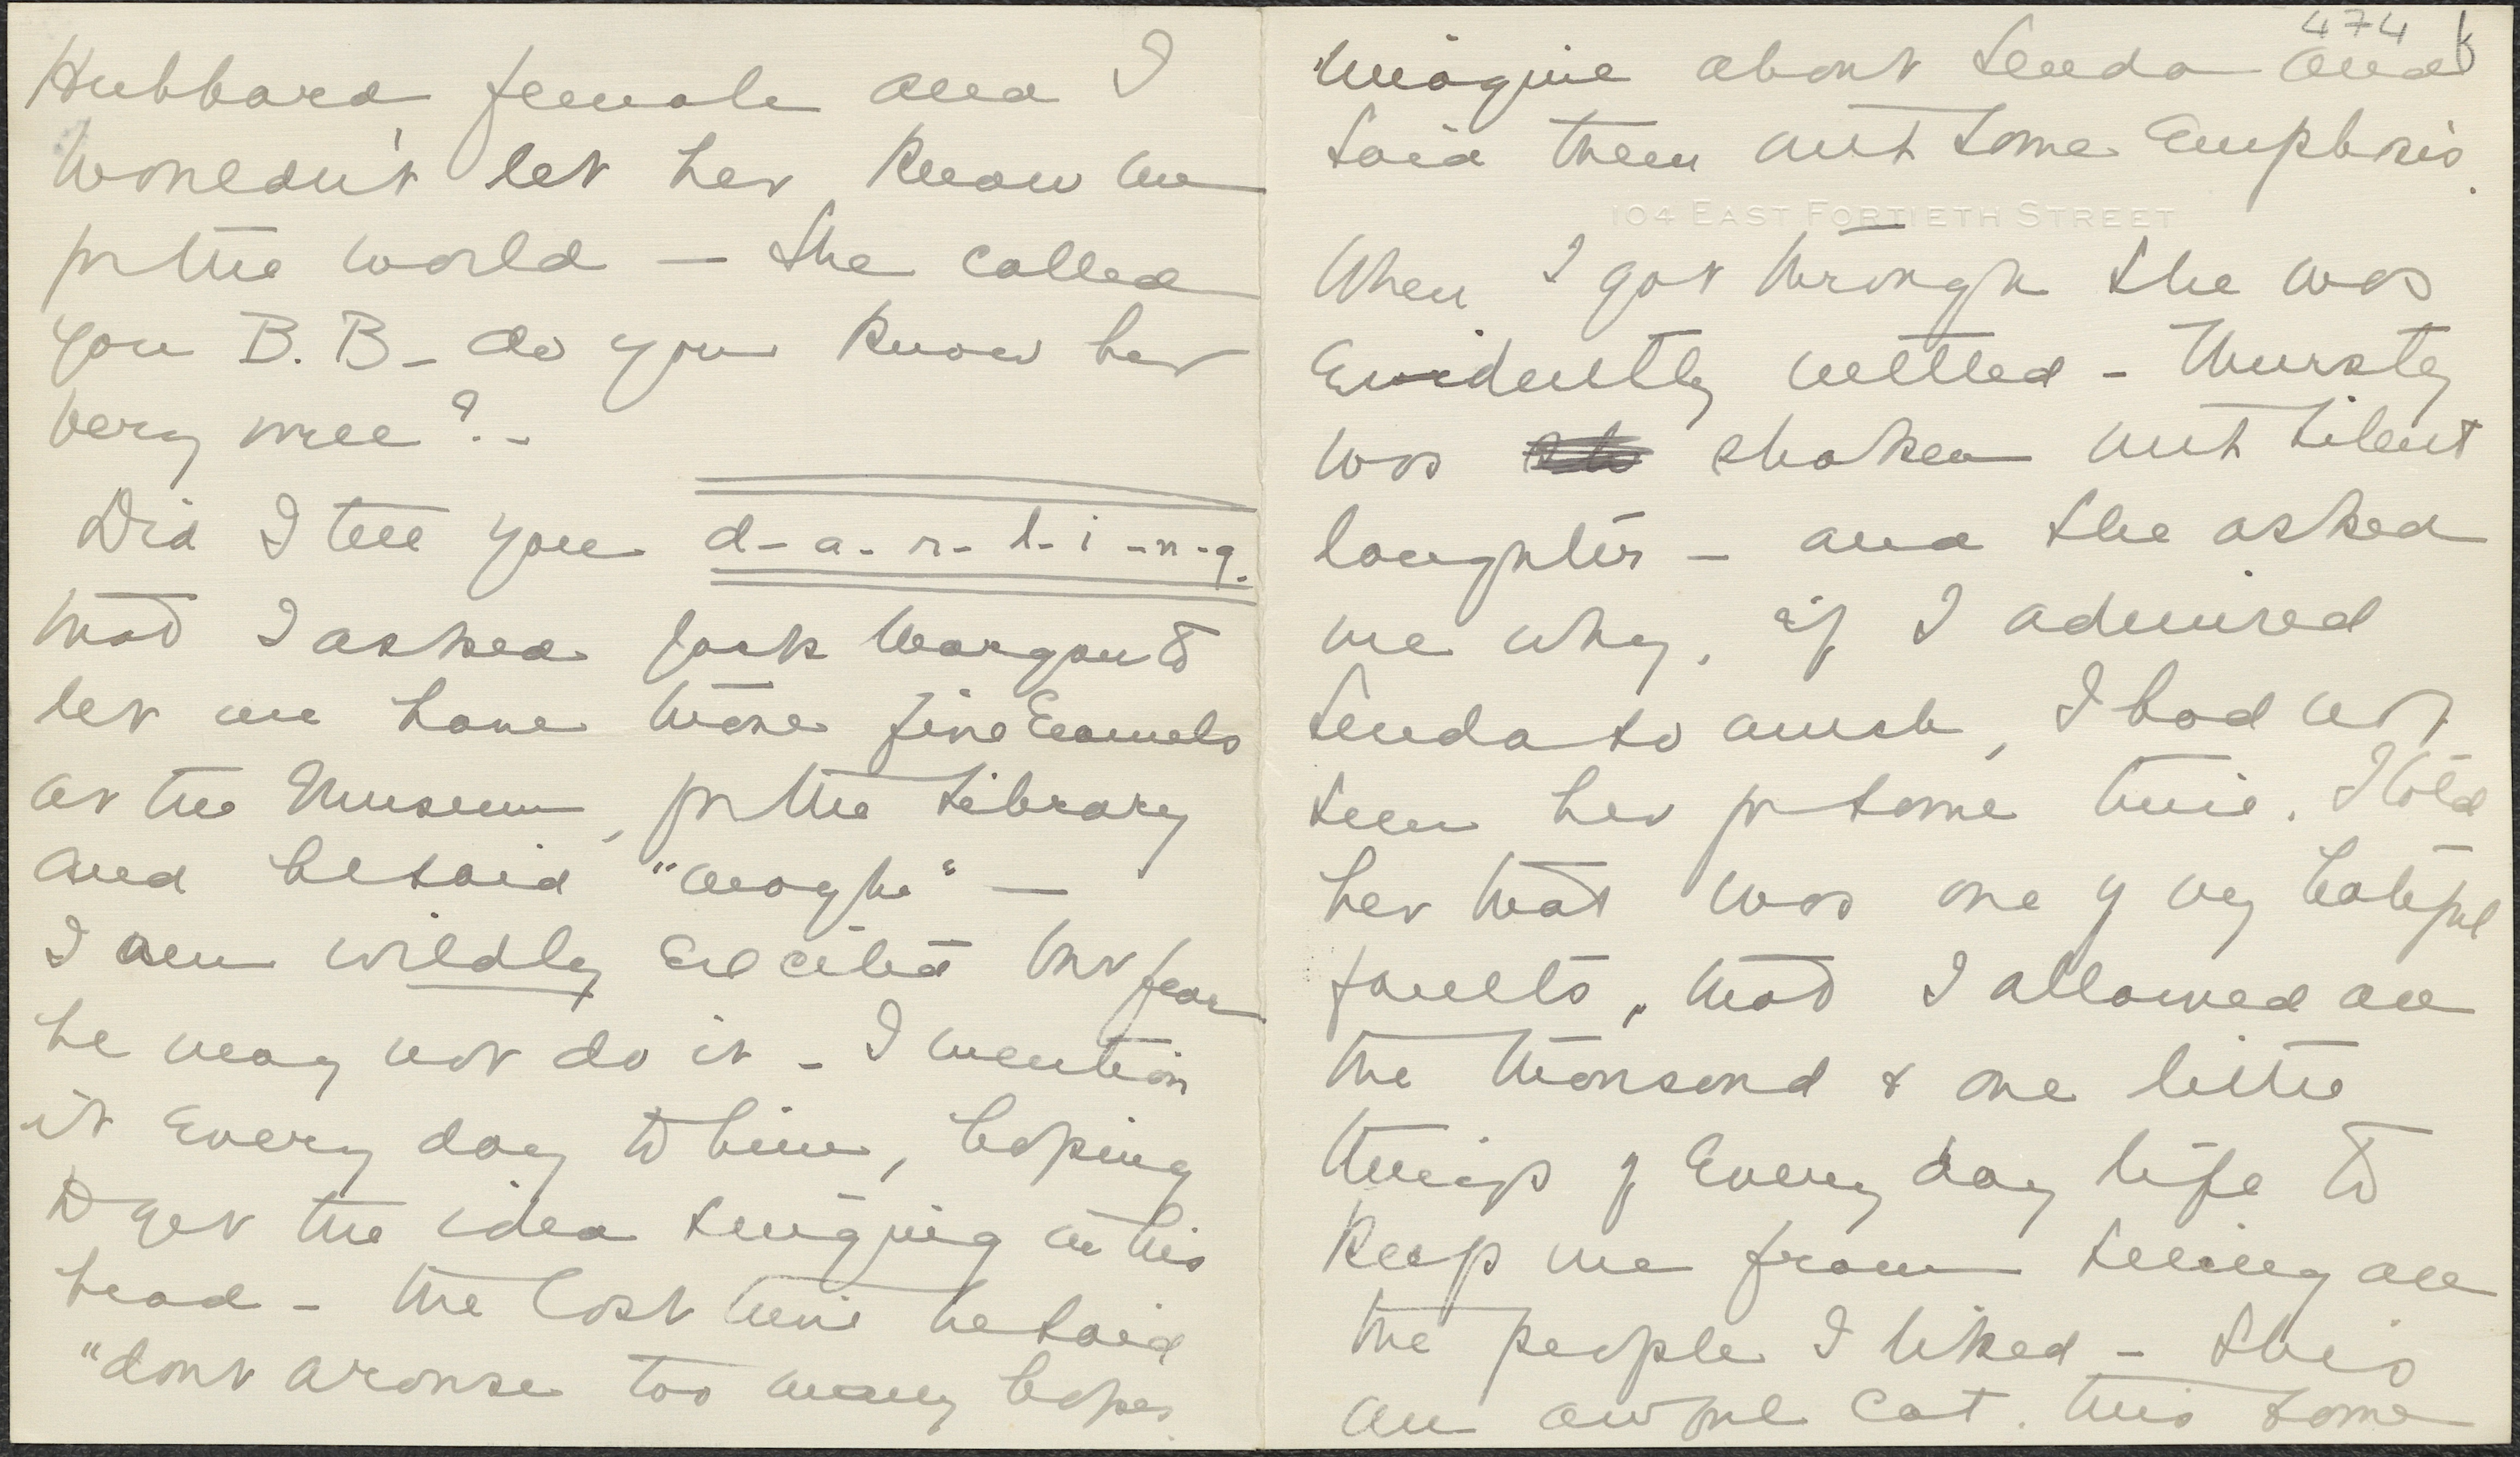imagine about Senda and said them with some emphasis. When I got through she was evidently nettled – Thursty was sh shaken with silent laughter – and she asked me why, if I admired Senda so much, I had not seen her for some time. I told her that was one of my hateful faults, that I allowed all the thousand & one little things of every day life to keep me from seeing all the people I liked – she is an awful cat. This same
Hubbard female and I wouldn’t let her know me for the world – She called you B.B. – do you know her very well? – Did I tell you [double underlined above and below: d - a - r - l - i - n - g.] that I asked Jack Morgan to let me have those fine enamels at the Museum, for the Library and he said “maybe” – I am wildly excited but fear he may not do it – I mention it every day to him, hoping to get the idea singing in his head – the last time he said “don’t arouse too many hopes